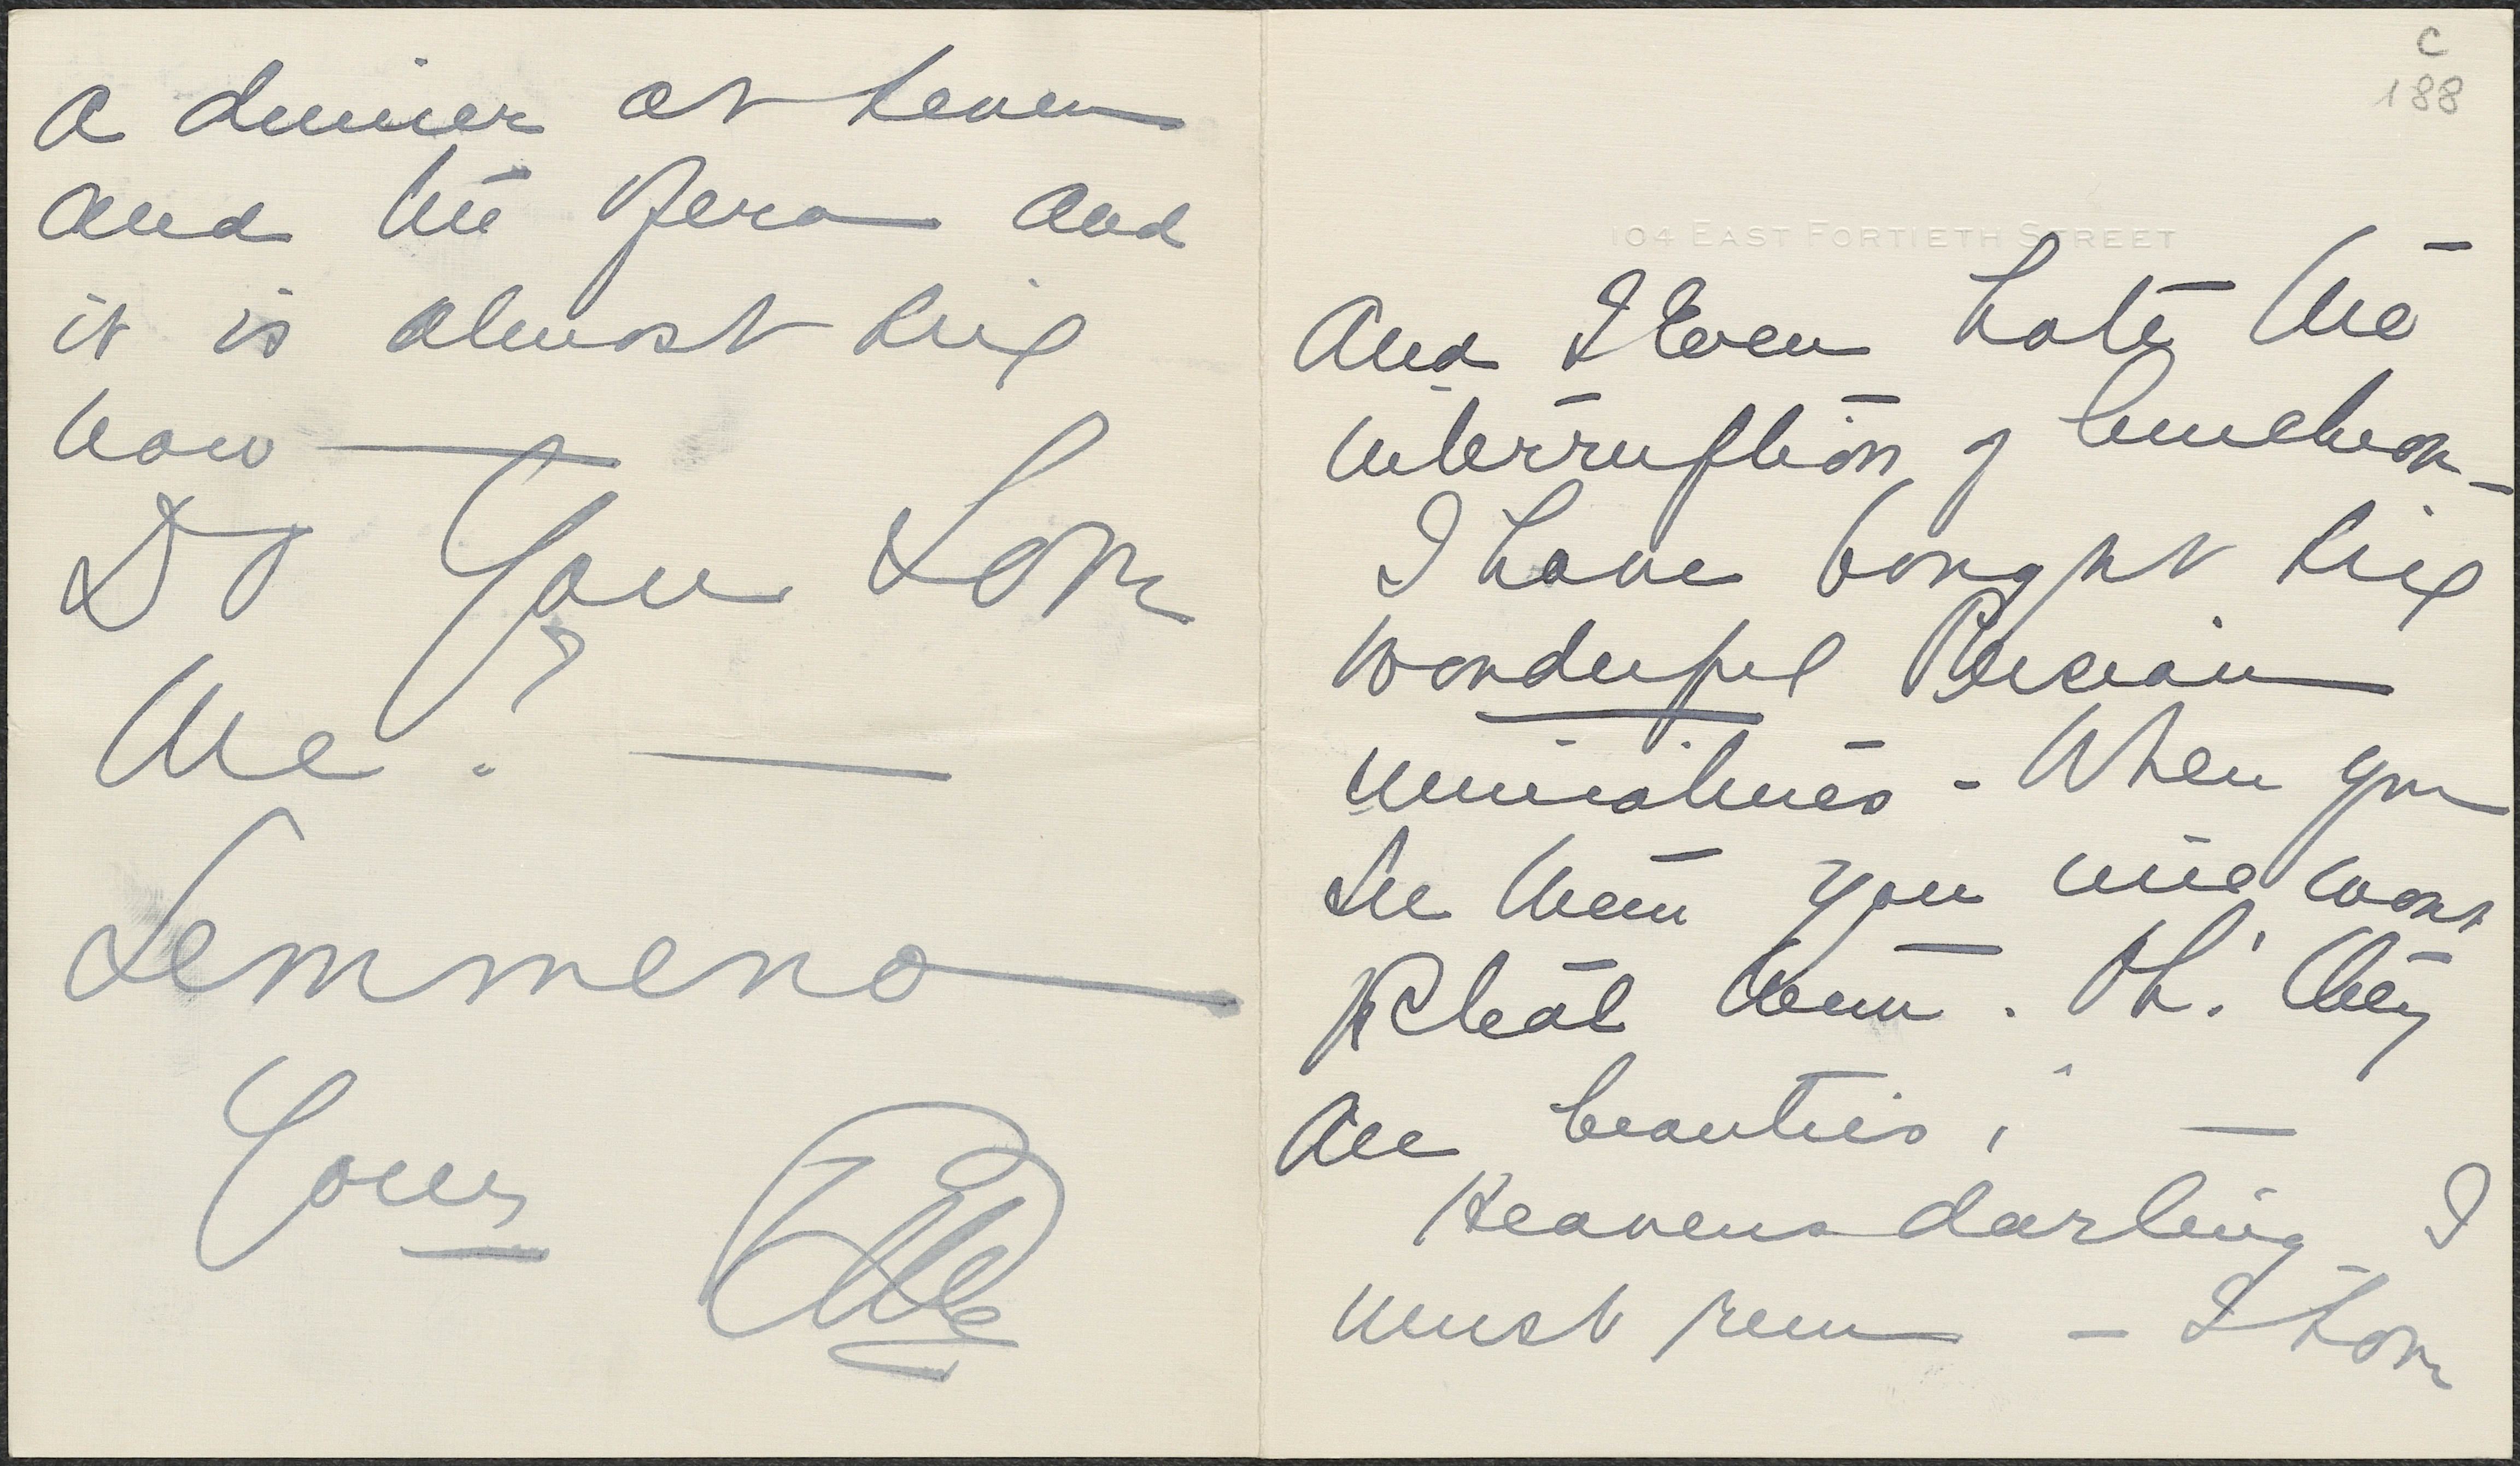and I even hate the interruption of luncheon – I have bought six wonderful Persian miniatures – When you see them you will want to steal them. oh! they are beauties! –
Heavens darling – I must run – I have
a dinner at seven and the opera and it is almost six now –
Do you love me? –
Lemmeno –
Your Belle